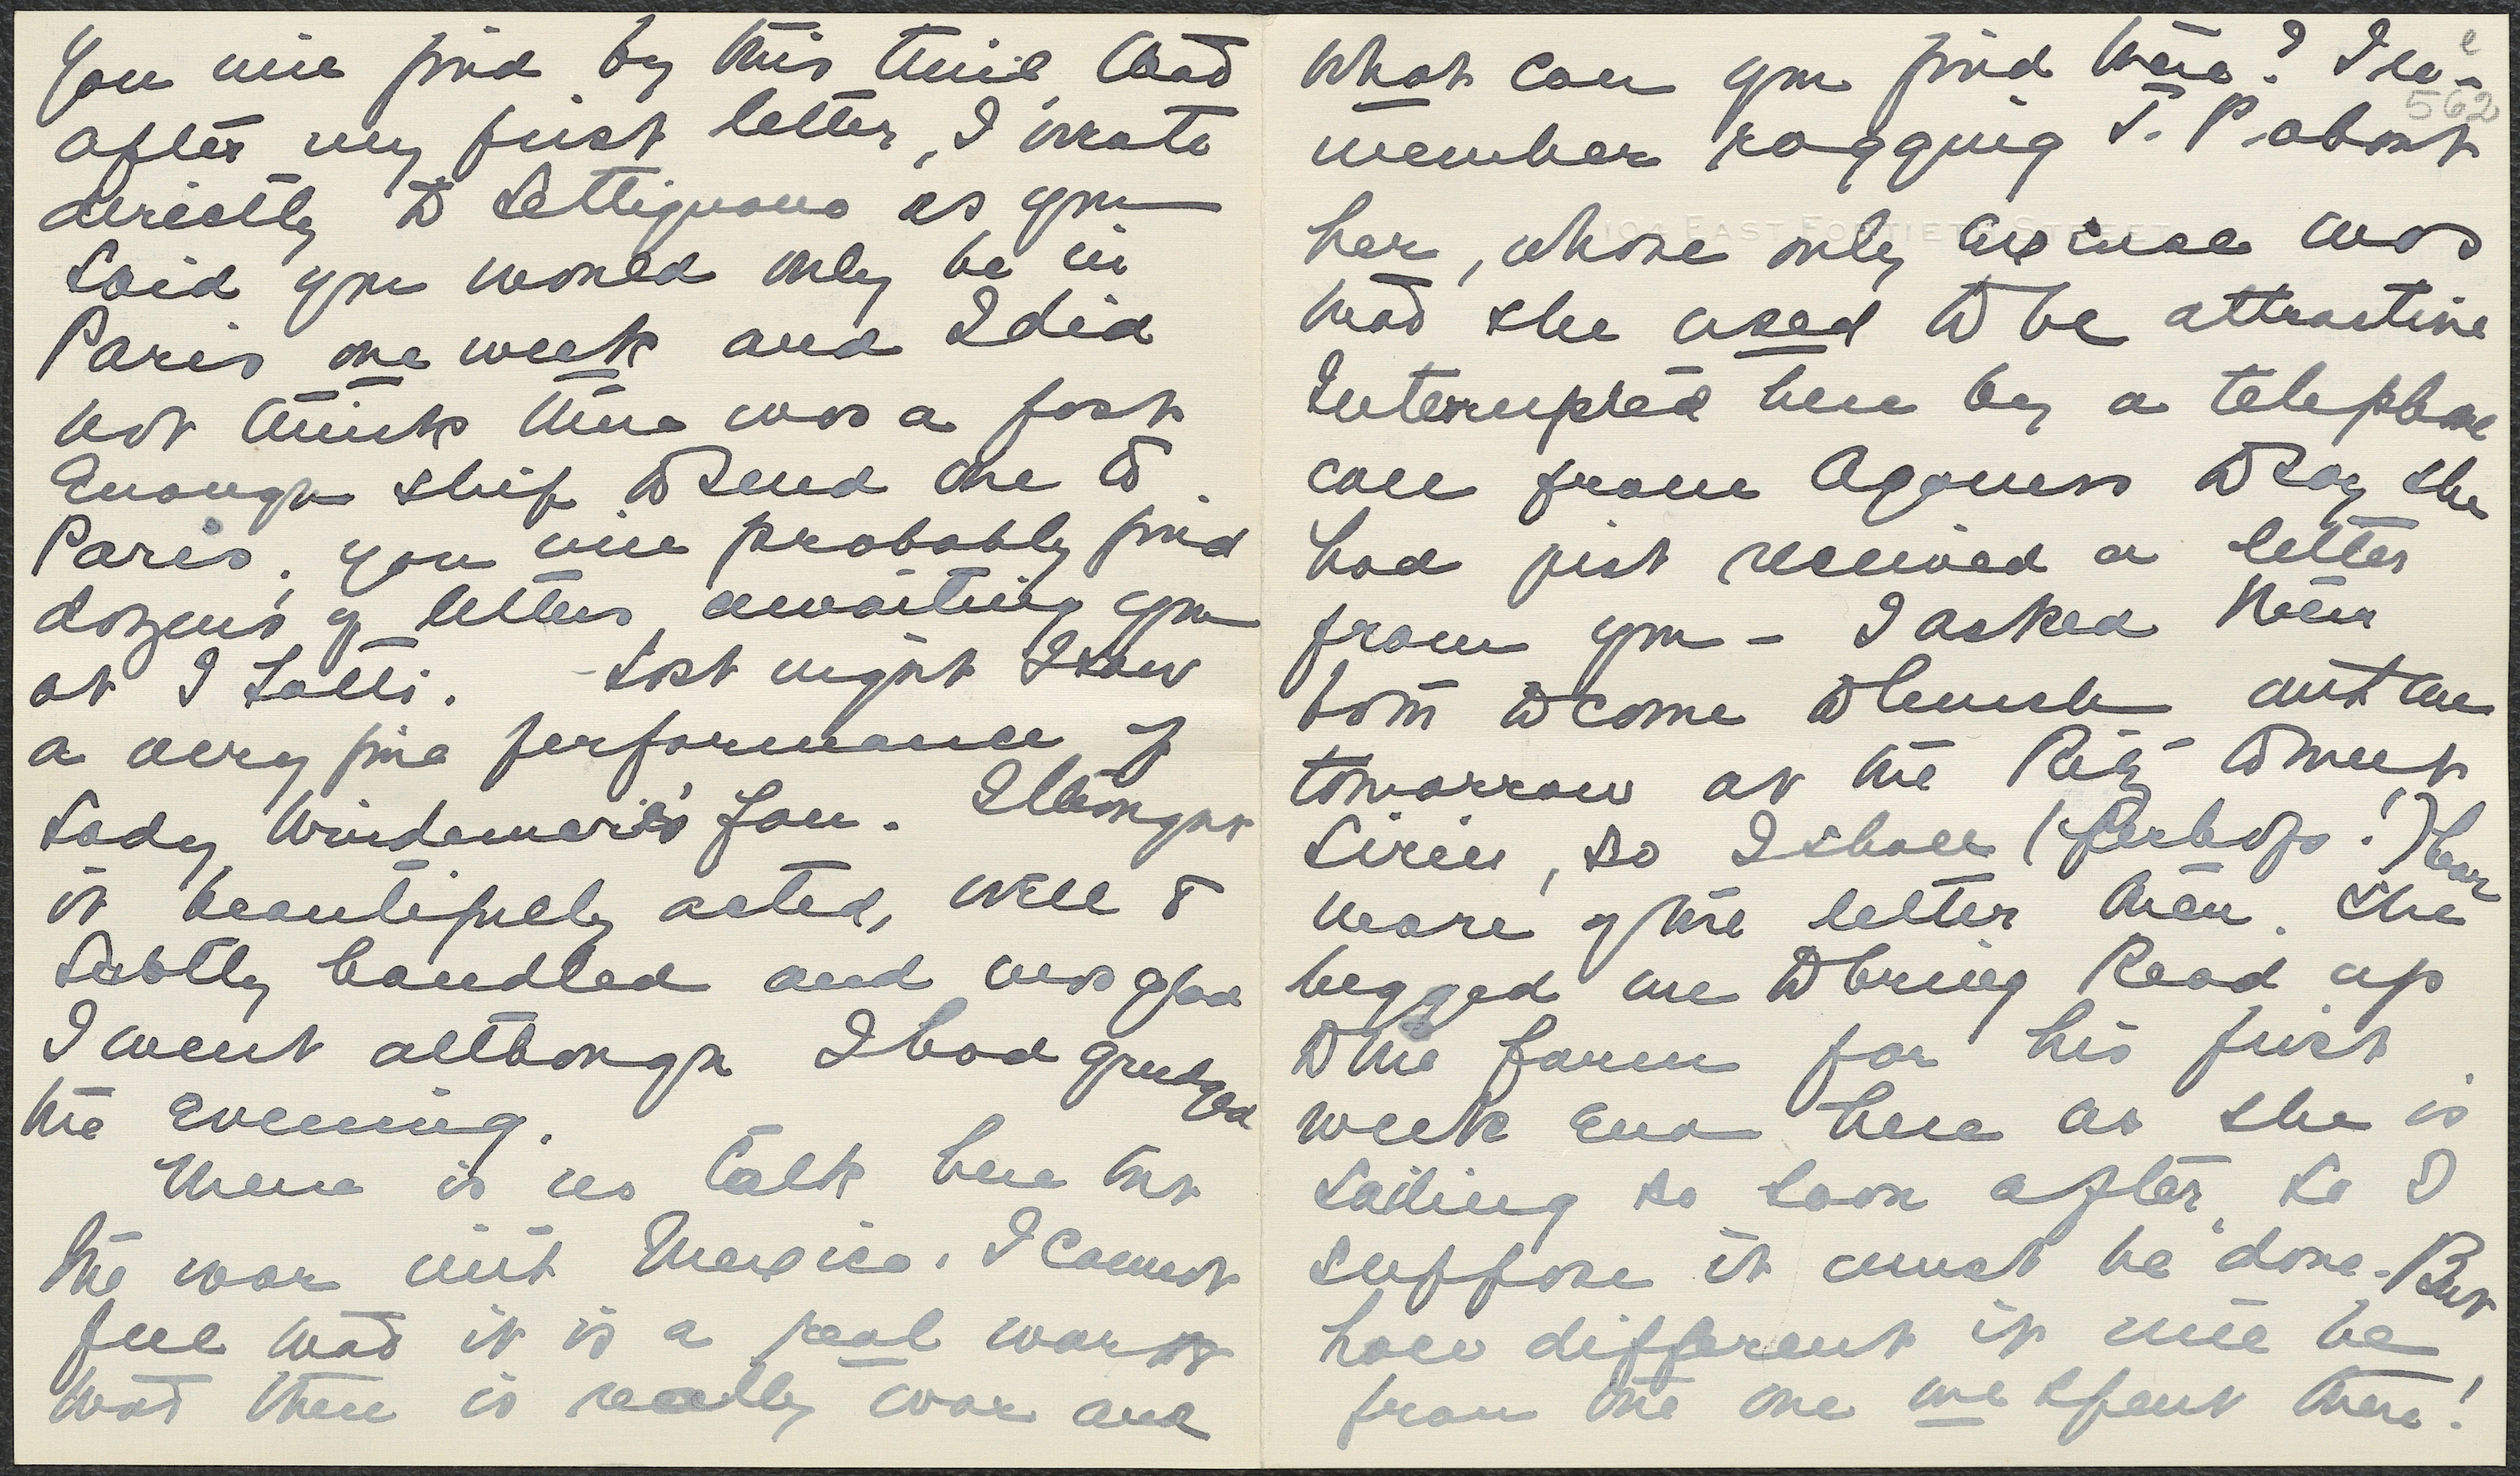What can you find there? I remember ragging J.P. about her, whose only excuse was that she used to be attractive
Interrupted here by a telephone call from Agoness to say she had just received a letter from you – I asked them both to come to lunch with me tomorrow at the Ritz to meet Sirén, so I shall (perhaps!) hear more of the letter then. She begged me to bring Read up to the farm for his first weekend here as she is sailing so soon after, so I suppose it must be done. But how different it will be from the one we spent there!
You will find by this time, that after my first letter, I wrote directly to Settignano as you said you would only be in Paris one week and I did not think there was a fast enough ship to send one to Paris. You will probably find dozens of letters awaiting you at I Tatti. Last night I saw a very fine performance of Lady Windermere's Fan. I thought it beautifully acted, well & subtly handled and was glad I went although I had grudged the evening.
There is no talk here but the war with Mexico. I cannot feel that it is a real war & that there is really war and